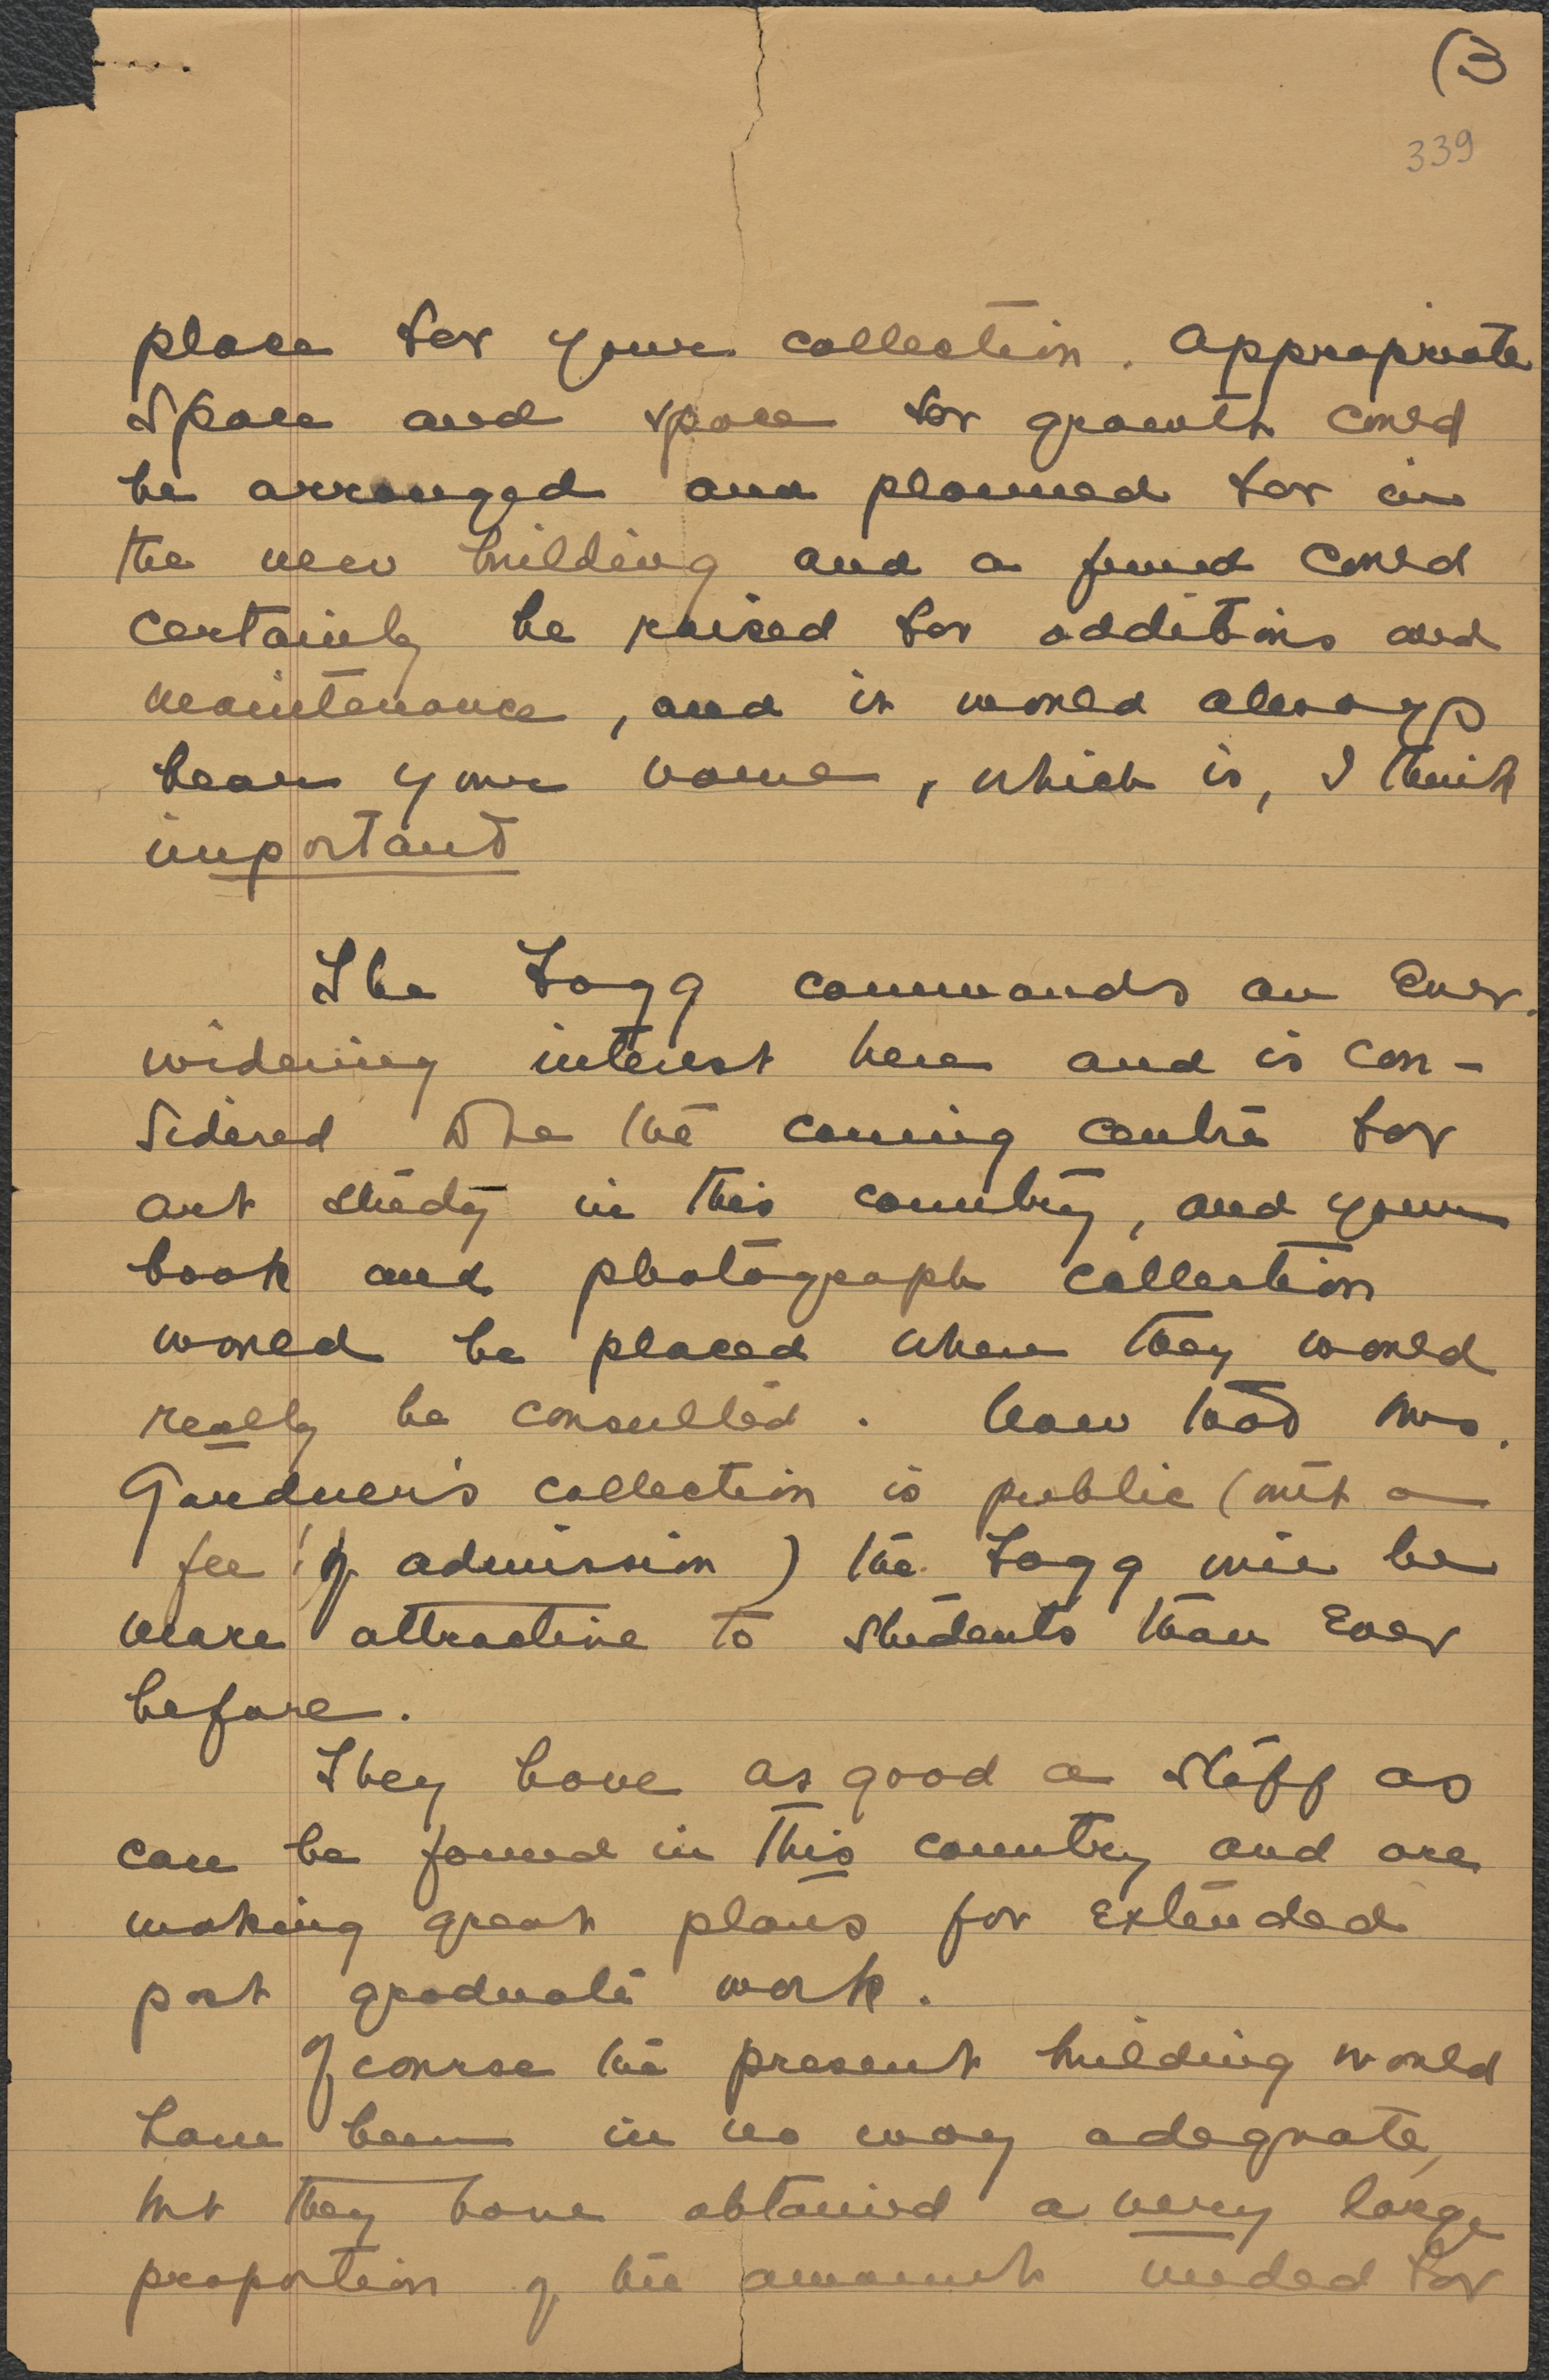place for your collection. Appropriate space and space for growth could be arranged and planned for in the new building and a fund could certainly be raised for additions and maintenance, and it would always bear your name, which is, I think important
The Fogg commands an ever-widening interest here and is considered to be the coming centre for art study in this country, and your book and photograph collection would be placed where they would really be consulted. Now that Ms. Gardner's collection is public (with a fee! of admission) the Fogg will be more attractive to students than ever before.
They have as good a staff as can be found in this country and are making great plans for extended post graduate work.
Of course the present building would been in no way adequate, but they have obtained a very large proportion of the amount needed for